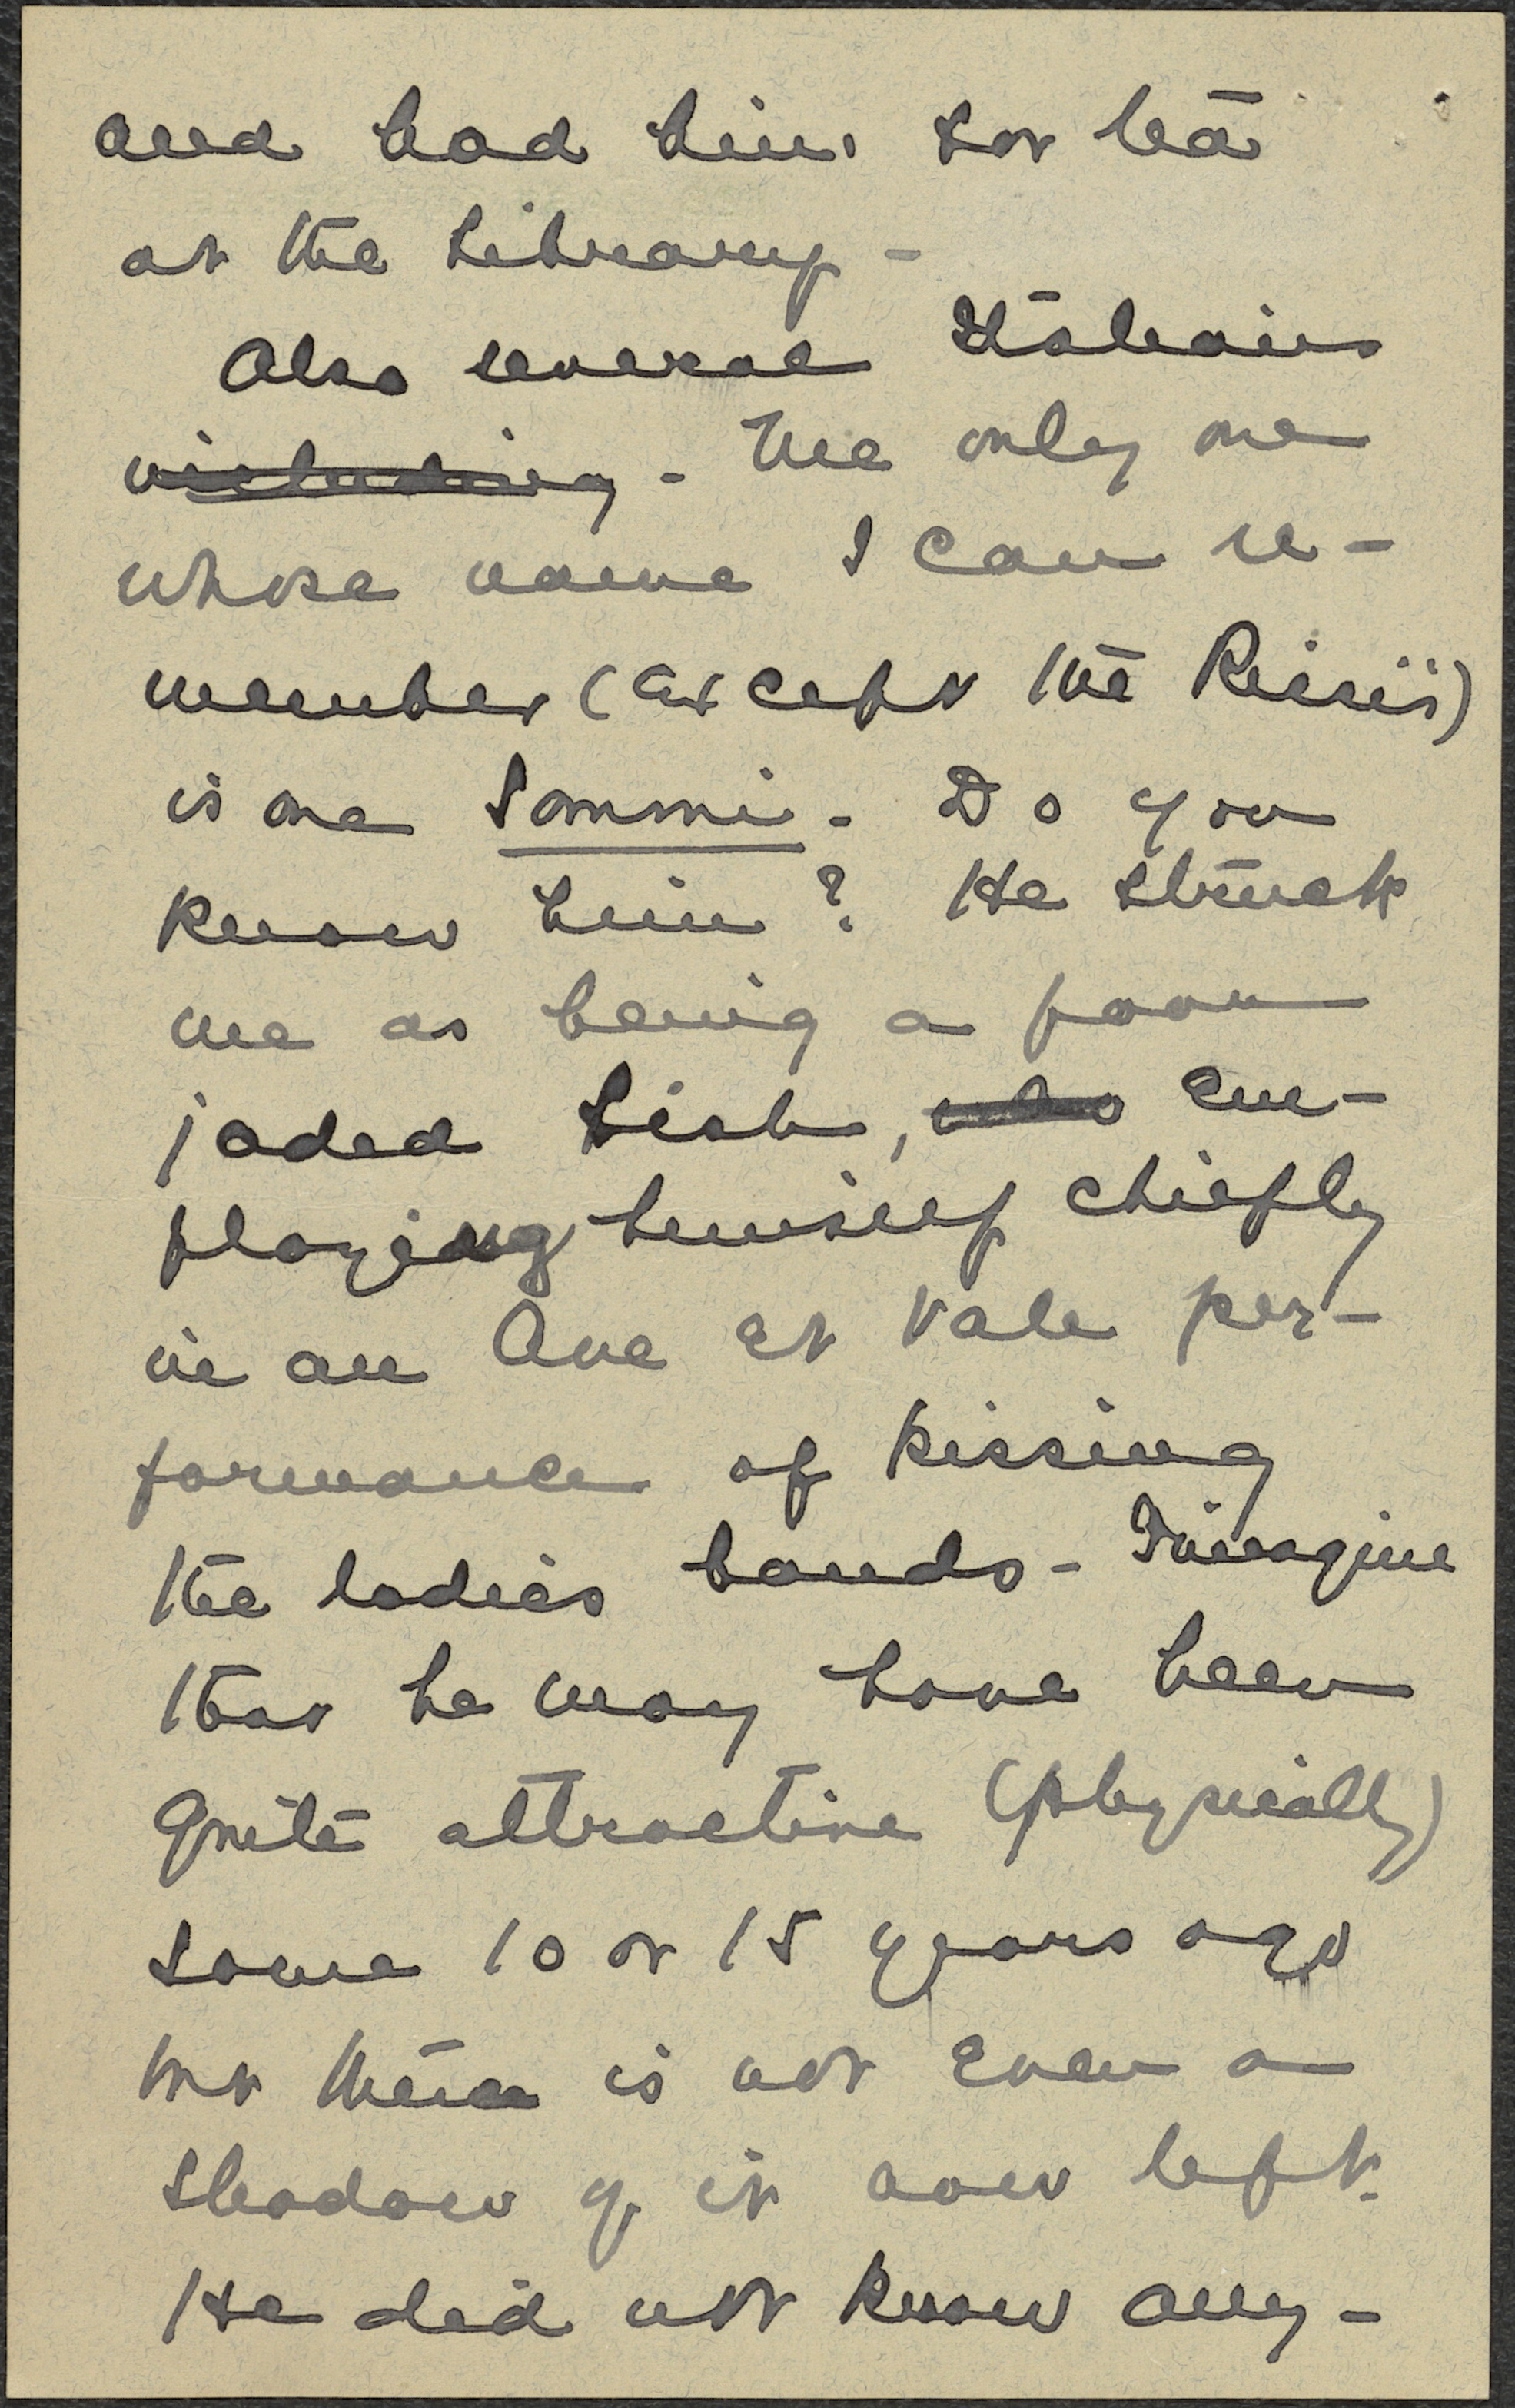and had him, for tea at the Library –
Also several Italians including – The only one whose name I can remember (except the Ricci's) is one Sommi – Do you know him? He struck me as being a poor jaded fish, who employing himself chiefly in an Ave et Vale performance of kissing the ladies hands – I imagine that he may have been quite attractive (physically) some 10 or 15 years ago but there is not even a shadow of it now left. He did not know